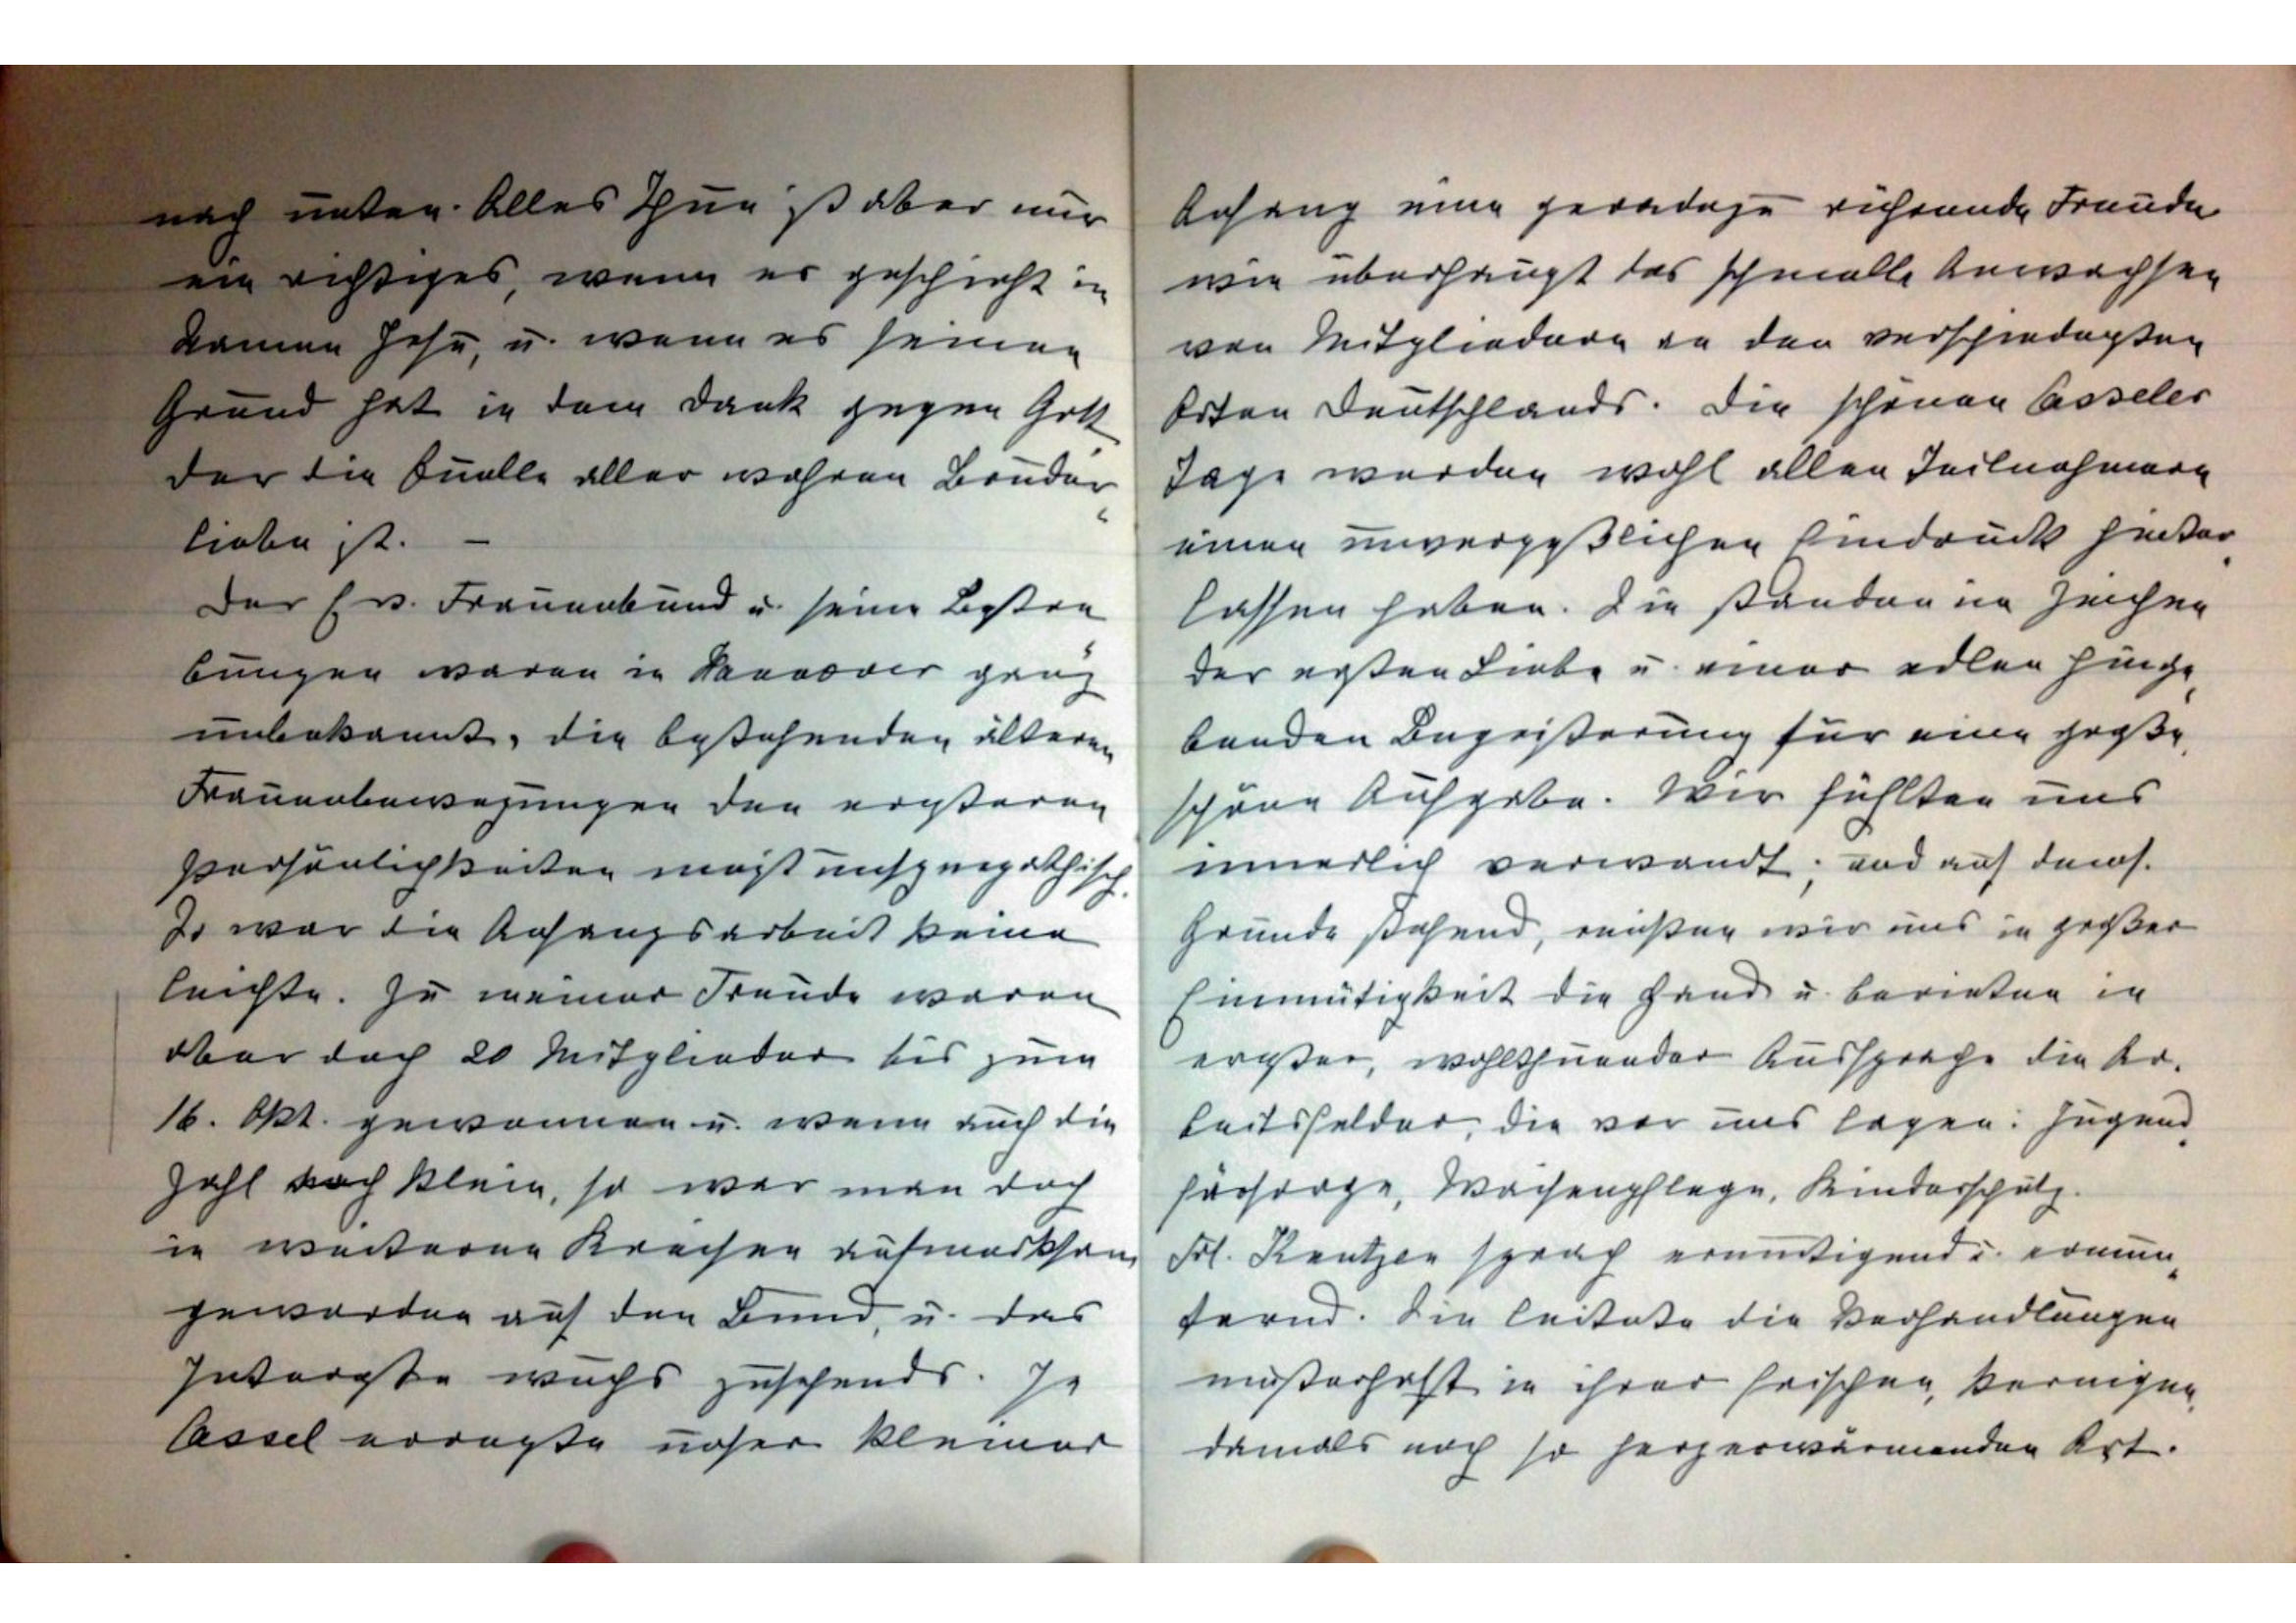nach unten. Alles Thun ist aber nur
ein richtiges, wenn es geschieht im
Namen Jesu, u. wenn es seinen
seinen Grund hat in dem Dank gegen Gott,
der die Quelle aller wahren Bruder
liebe ist.
Der Ev. Frauenbund u. seine Bestre
bungen waren in Hannover ganz
unbekannt, die bestehenden älteren
Frauenbewegungen den ernsteren
Persönlichkeiten meist unsympathisch.
So war die Anfangsarbeit keine
leichte. Zu meiner Freude waren
aber doch 20 Mitglieder bis zum
16. Okt. Gewonnen u. war auch die
Zahl doch klein, so war man doch
in weiteren Kreisen aufmerksam
geworden auf den Bund u. das
Interesse wuchs zusehends. In
Cassel erregter unser kleiner
Anfang eine geradezu rührende Freude
wie überhaupt das schnelle Anwachsen
von Mitgliedern an den verschiedenen
Orten Deutschlands. Die schönen Casseler
Tage werden wohl allen Teilnehmern
einen unvergesslichen Eindruck hinter
lassen haben. Sie standen im Zeichen
der ersten Liebe u. einer edlen hinge
benden Begeisterung für eine große
schöne Aufgabe. Wir fühlten uns
uns innerlich verwandt; und auf dems.
Grunde stehend, reichten wir uns in großer
Einmütigkeit die Hand u. berieten in
erster wohlthender Aussprache die Ar
beitsfelder, die vor uns lagen: Jugend
fürsorge, Waisenpflege, Kinderschutz.
Frl. Knutzen sprach ermutigend u. ermun
ternd. Sie leitete die Verhandlungen
meisterhaft in ihrer frischen kernigen
damals noch so herzerwärmenden Art.